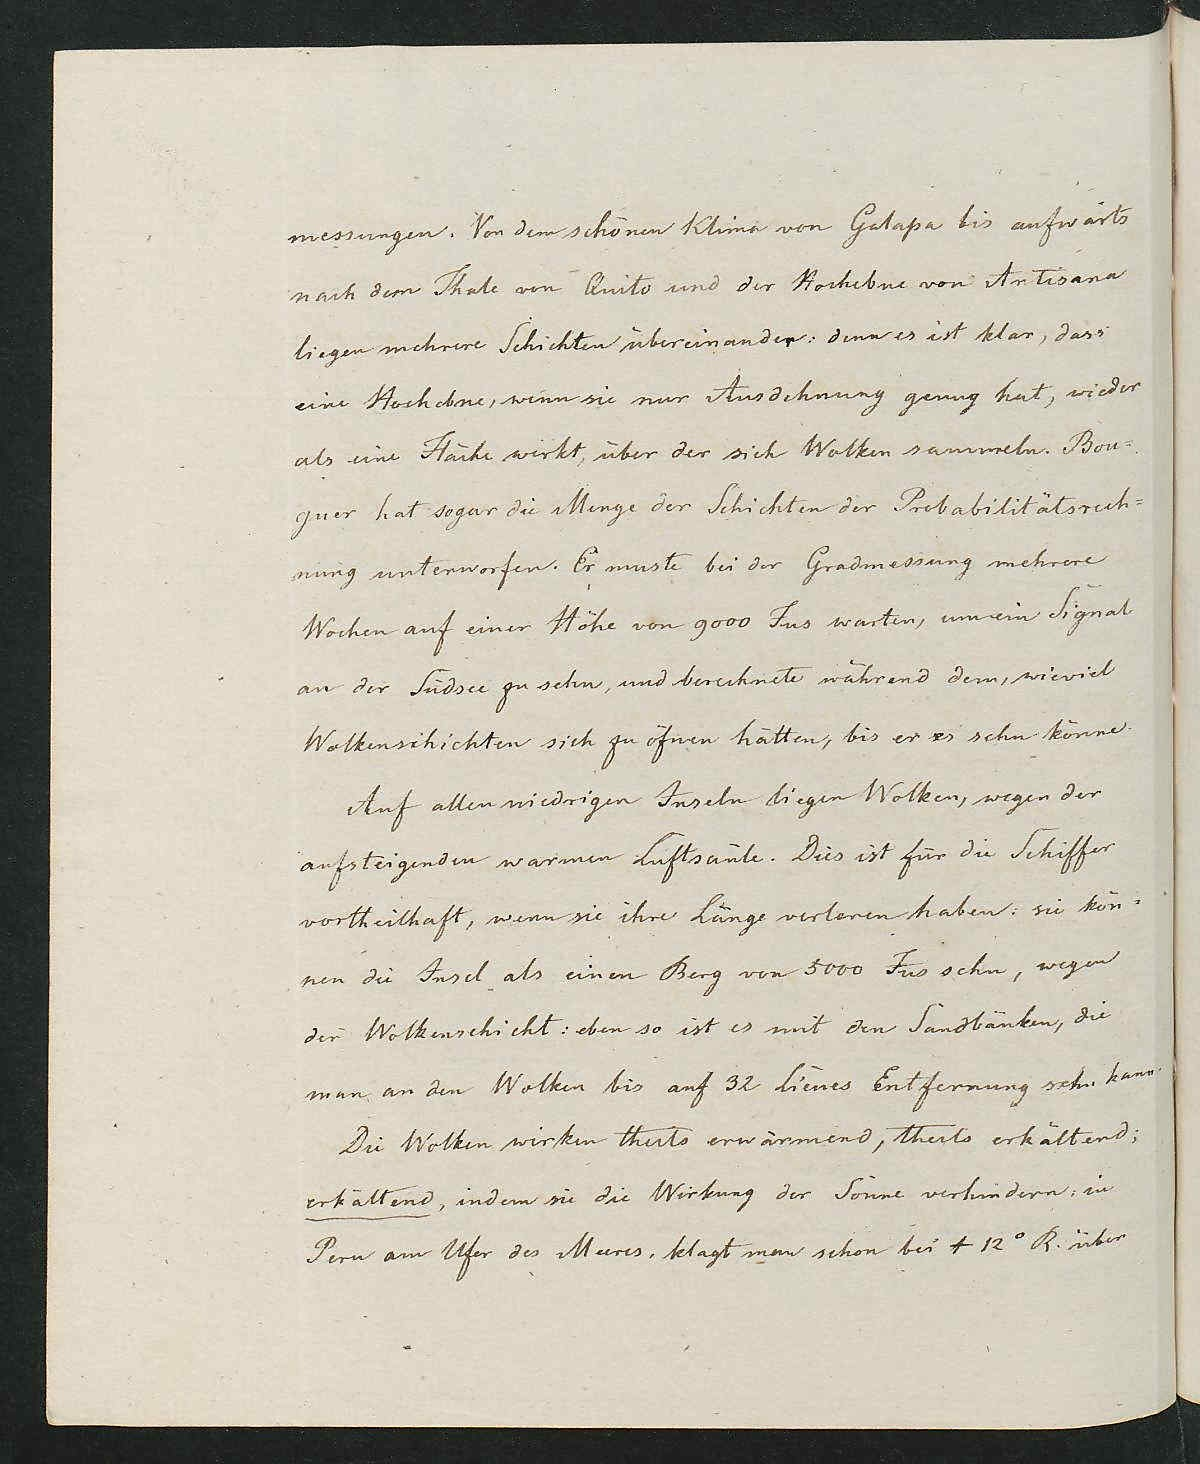messungen. Von dem schönen Klima von Galapa bis aufwärts
nach dem Thale von Quito und der Hochebne von Antisana
liegen mehrere Schichten übereinander: denn es ist klar, dass
eine Hochebne, wenn sie nur Ausdehnung genug hat, wieder
als eine Fläche wirkt, über der sich Wolken sammeln. Bou-
guer hat sogar die Menge der Schichten der Probabilitätsrech-
nung unterworfen. Er muste bei der Gradmessung mehrere
Wochen auf einer Höhe von 9000 Fus warten, um ein Signal
an der Südsee zu sehn, und berechnete während dem, wieviel
Wolkenschichten sich zu öfnen hätten, bis er es sehn könne.
Auf allen niedrigen Inseln liegen Wolken, wegen der
aufsteigenden warmen Luftsäule. Dies ist für die Schiffer
vortheilhaft, wenn sie ihre Länge verloren haben: sie kön-
nen die Insel als einen Berg von 5000 Fus sehn, wegen
der Wolkenschicht: eben so ist es mit den Sandbänken, die
man an den Wolken bis auf 32 Lieues eEntfernung sehn kann.
Die Wolken wirken theils erwärmend, theils erkältend;
erkältend, indem sie die Wirkung der Sonne verhindern; in
Peru am Ufer des Meeres, klagt man schon bei +12° R. über